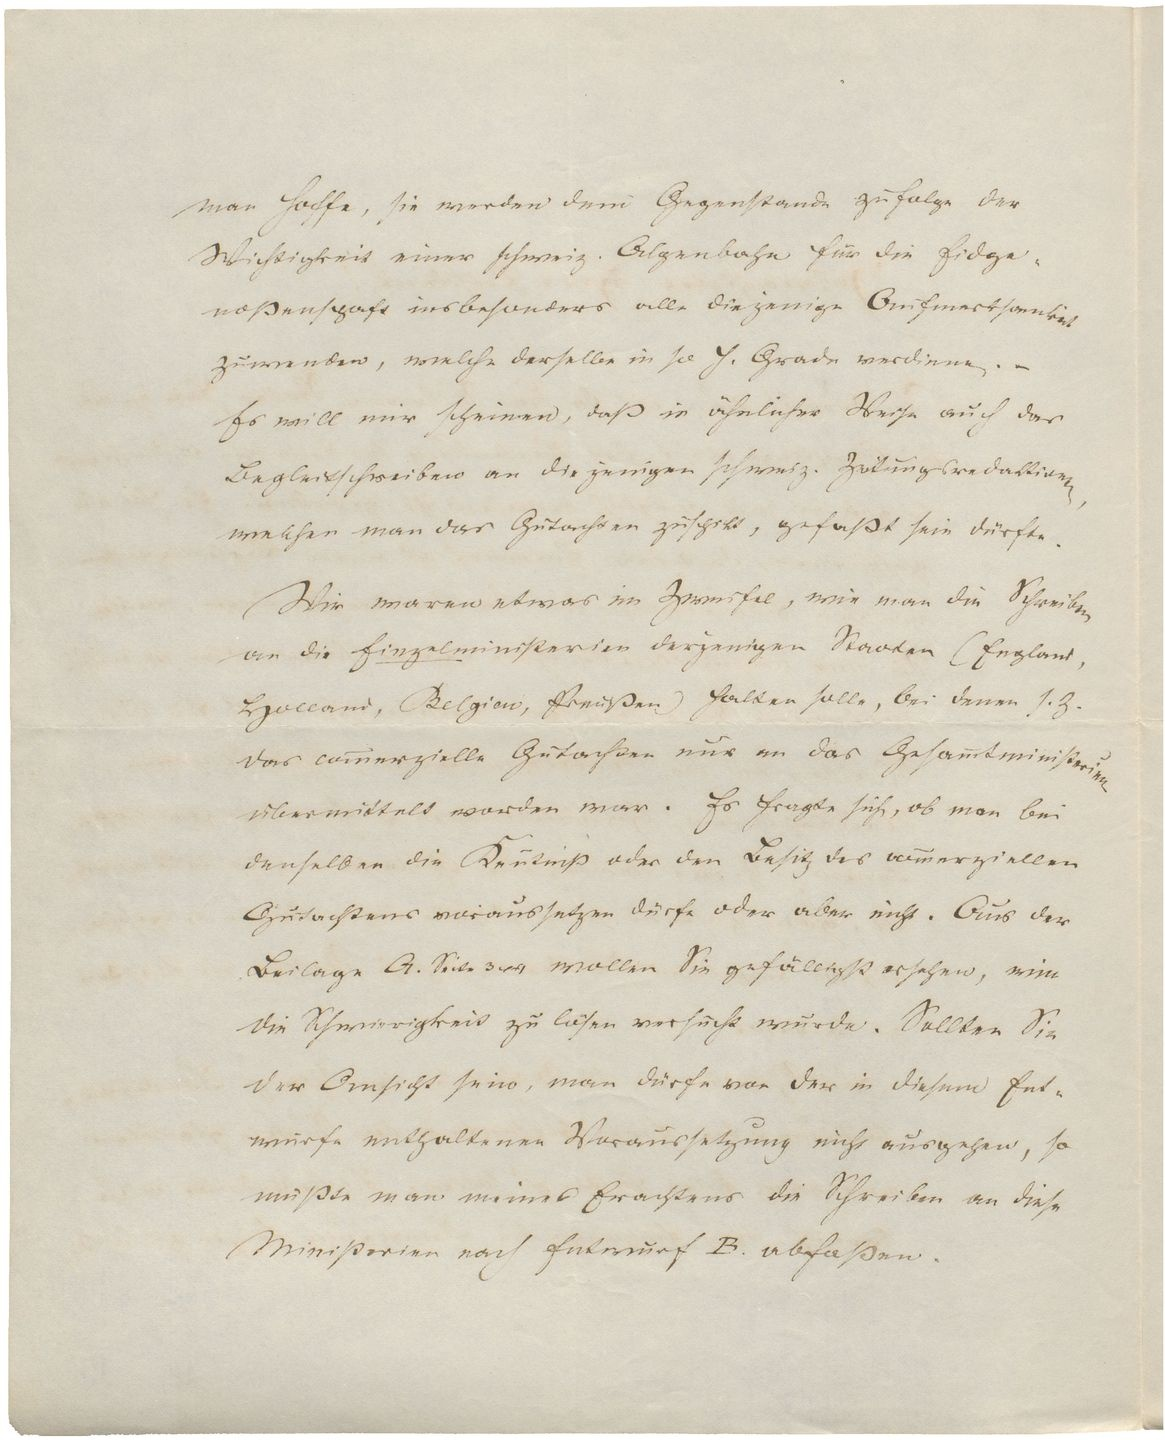man hoffe, sie werden dem Gegenstande zufolge der
Wichtigkeit einer schweiz. Alpenbahn für die Eidge-
noßenschaft insbesonders alle diejenige Aufmerksamkeit
zuwenden, welche derselbe in so h. Grade verdienen. –
Es will mir scheinen, daß in ähnlicher Weise auch das
Begleitschreiben an diejenigen schweiz. Zeitungsredaktionen,
welchen man das Gutachten zuschikt, gefaßt sein dürfte.
Wir waren etwas im Zweifel, wie man die Schreiben
an die Einzelministerien derjenigen Staaten (England,
Holland, Belgien, Preußen) halten soll, bei denen s. Z.
das commerzielle Gutachten nur an das Gesammtministerium
übermittelt worden war. Es fragte sich, ob man bei
denselben die Kenntniß oder den Besitz des commerziellen
Gutachtens voraussetzen dürfe oder aber nicht. Aus der
Beilage A. Seite 3 & 4 wollen Sie gefälligst ersehen, wie
die Schwierigkeit zu lösen versucht wurde. Sollten Sie
der Ansicht sein, man dürfe von der in diesem Ent-
wurfe enthaltenen Voraussetzung nicht ausgehen, so
müßte man meines Erachtens die Schreiben an diese
Ministerien nach Entwurf B. abfaßen.